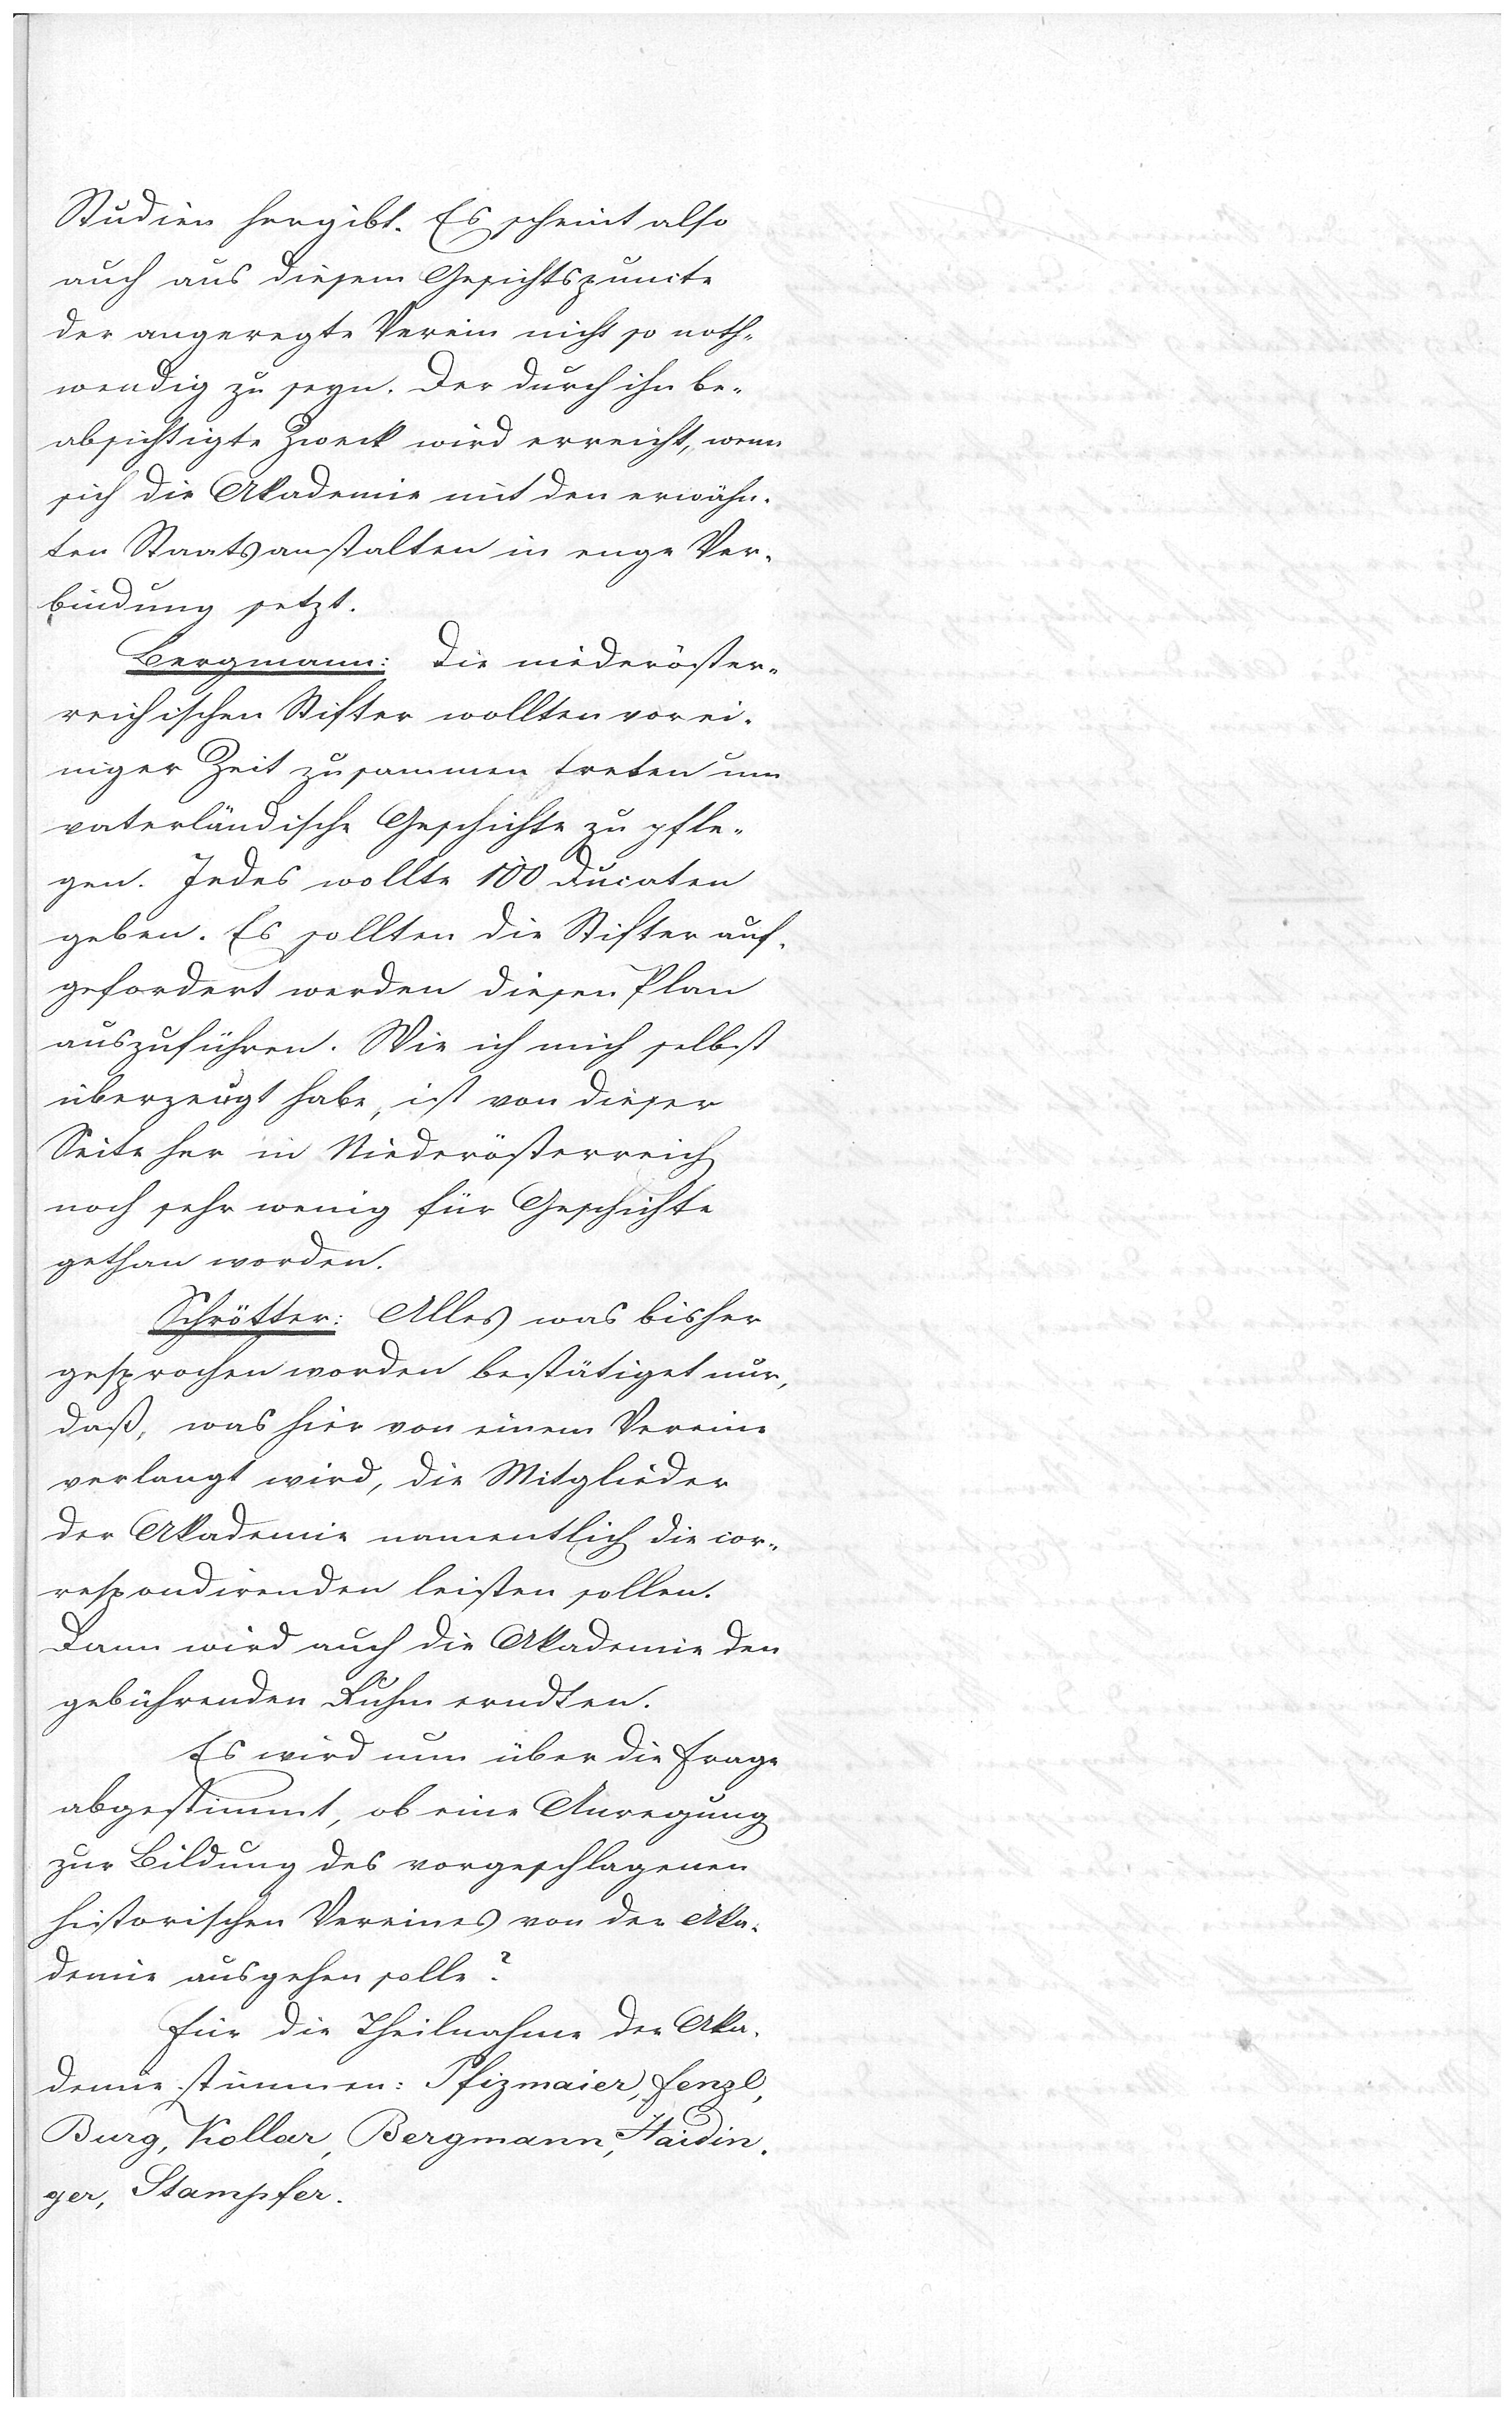Studien hergibt. Es scheint also
auch aus diesem Gesichtspuncte
der angeregte Verein nicht so noth-
wendig zu seyn. Der durch ihn be-
absichtigte Zweck wird erreicht, wenn
sich die Akademie mit den erwähn-
ten Staatsanstalten in enge Ver-
bindung setzt.
Bergmann: Die niederöster-
reichischen Stifter wollten vorei-
niger Zeit zusammen treten um
vaterländische Geschichte zu pfle--
gen. Jedes wollte 100 Ducaten
geben. Es sollten die Stifter auf-
gefordert werden diesen Plan
auszuführen. Wie ich mich selbst
überzeugt habe, ist von dieser
Seite her in Niederösterreich
noch sehr wenig für Geschichte
gethan worden.
Schrötter: Alles was bisher
gesprochen worden bestätiget nur,
daß, was hier von einem Vereine
verlangt wird, die Mitglieder
der Akademie namentlich die cor-
respondirenden leisten sollen.
Dann wird auch die Akademie den
gebührenden Ruhm erndten.
Es wird um über die Frage
abgestimmt, ob eine Anregung
zur Bildung des vorgeschlagenen
historischen Vereines von der Aka-
demie ausgehen solle?
Für die Theilnahme der Aka-
demie stimmen: Pfizmaier, Fenzl,
Burg, Kollar, Bergmann, Haidin-
ger, Stampfer.